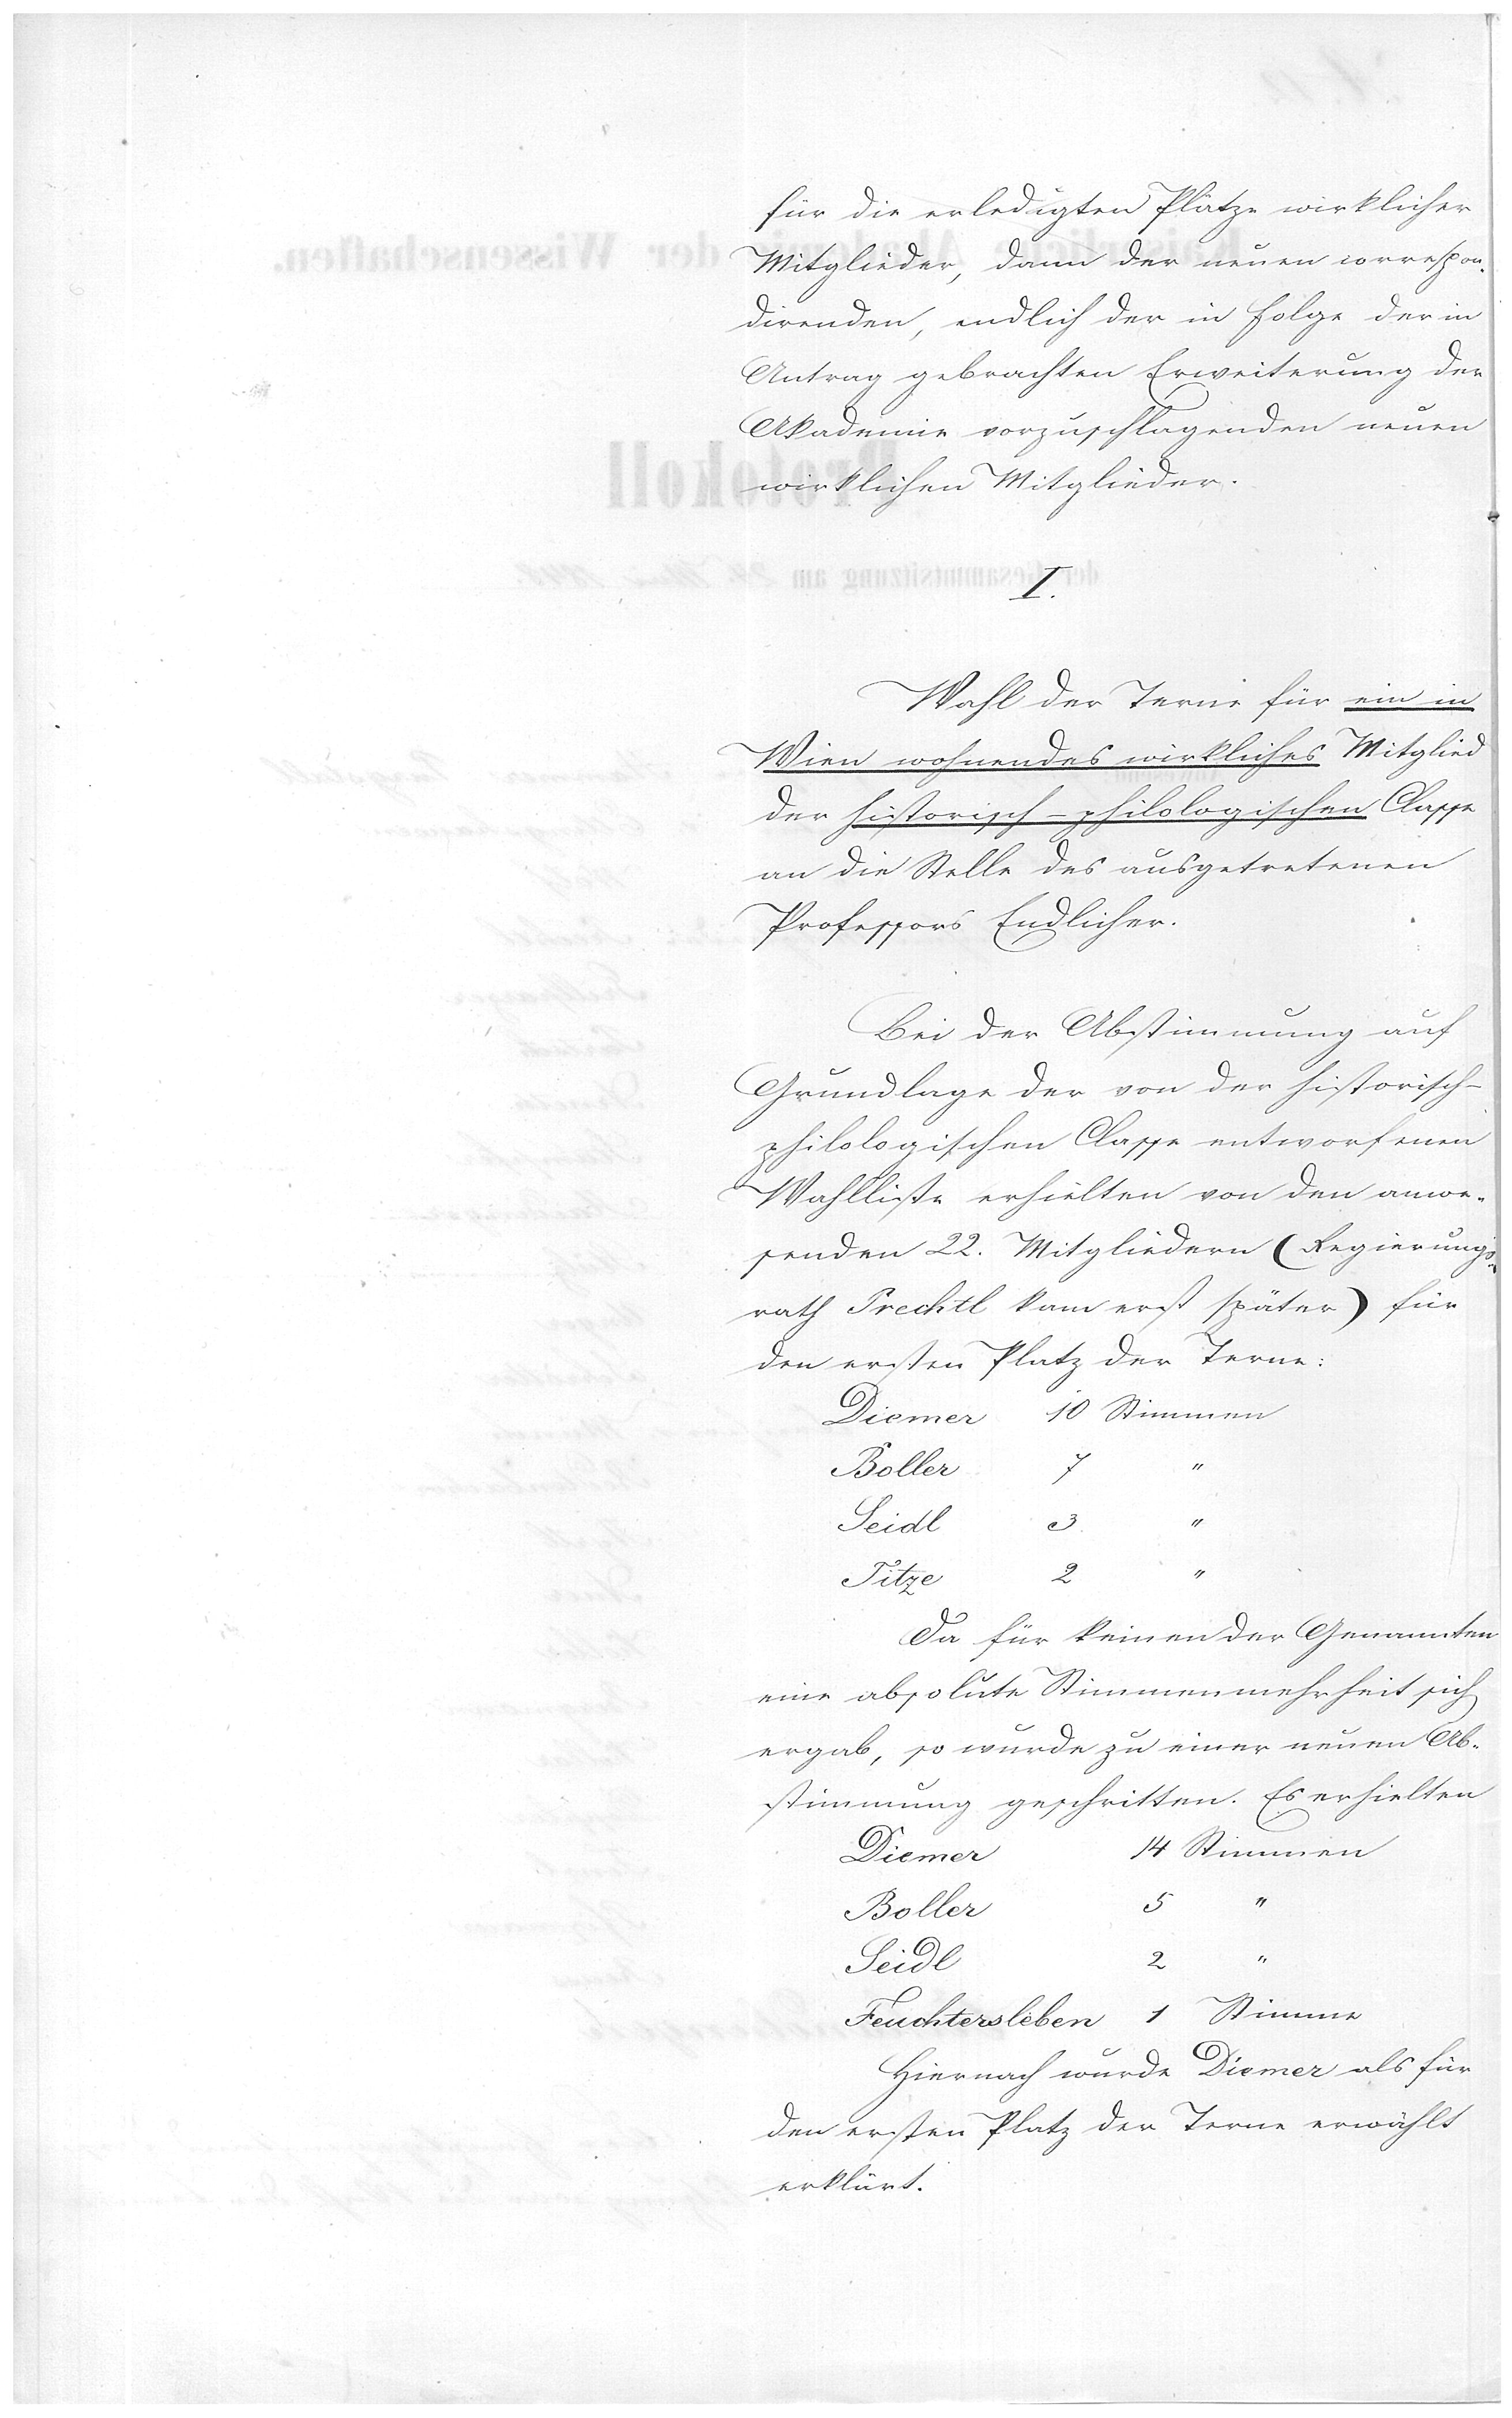für die erledigten Plätze wirklicher
Mitglieder, dann der neuen correspon-
direnden, endlich der in Folge der in
Antrag gebrachten Erweiterung der
Akademie vorzuschlagenden neuen
wirklichen Mitglieder.
I.
Wahl der Terne für ein in
Wien wohnendes wirkliches Mitglied
der historische-philologischen Classe
an die Stelle des ausgetretenen
Professors Endlicher.
Bei der Abstimmung auf
Grundlage der von der historisch-
philologischen Classe entworfenen
Wahlliste erhielten von den anwe-
senden 22. Mitgliedern (Regierungs-
rath Prechtl kam erst später) für
den ersten Platz der Terne:
Diemer 10 Stimmen
Boller 7 "
Seidl 3 "
Sitze 2 "
Der für keinen der Genannten
eine absolute Stimmenmehrheit sich
ergab, so wurde sind einer neuen Ab-
stimmung geschritten. Es erhielten
Diemer 14 Stimmen
Boller 5 "
Siedl 2 "
Feuchtersleben 1 Stimme
Hiernach wurde Diemer als für
den ersten Platz der Terne erwählt
erklärt.